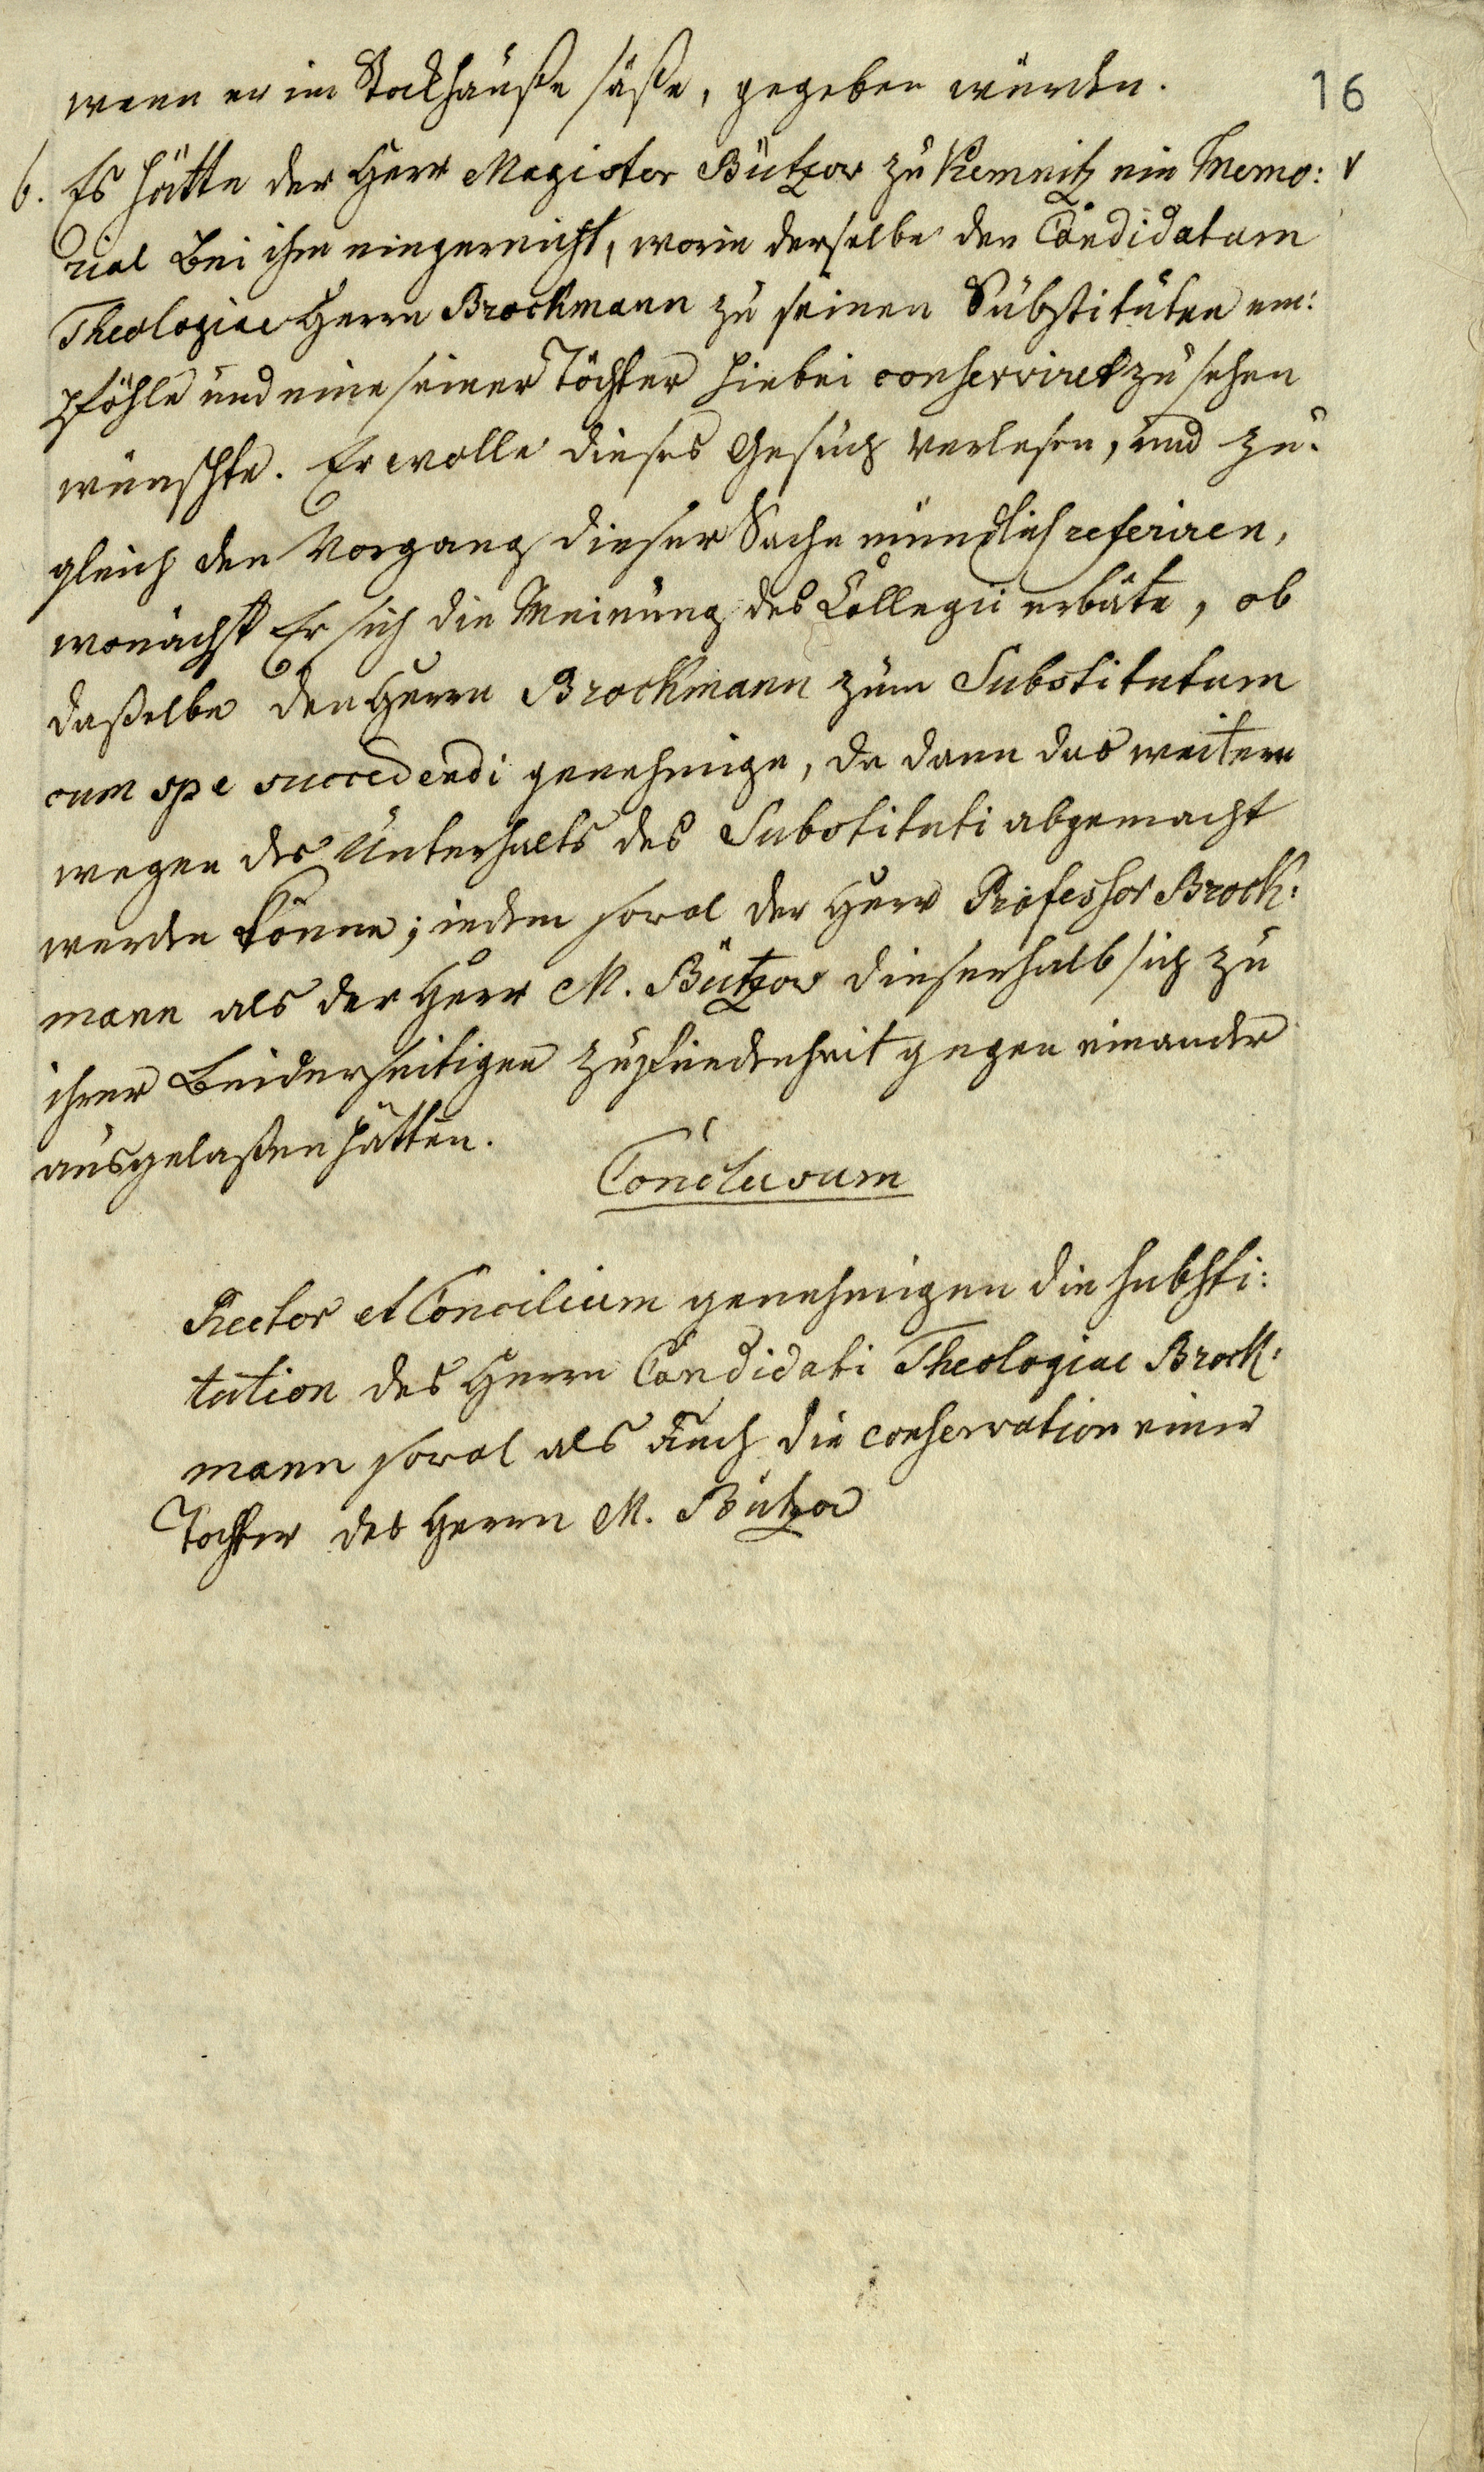wenn er im Stockhauße säße, gegeben würden.
6. Es hätte der Herr Magister Bützow zu Kemnitz ein Memo¬
rial bei ihm eingereicht, worin derselbe den Candidatum
Theologiae Herrn Brockmann zu seinem Substituten em¬
pföhle und eine seiner Töchter hiebei conserviret zu sehen
wünschte. Er wolle dieses Gesuch verlesen, und zu¬
gleich den Vorgang dieser Sache mündlich referiren,
wonächst Er sich die Meinung des Collegii erbäte, ob
daßelbe den Herrn Brockmann zum Substitutum
cum spe succedendi genehmige, da dann das weitere
wegen des Unterhalts des Substituti abgemacht
werden könne; in dem sowol der Herr Professor Brock¬
mann als der Herr M. Bützow dieserhalb sich zu
ihrer beiderseitigen Zufriedenheit gegen einander
ausgelaßen hätten. Conclusum
Rector et Concilium genehmigen die substi¬
tution des Herrn Candidati Theologiae Brock¬
mann sowol als auch die conservation einer
Tochter des Herrn M. Bützow